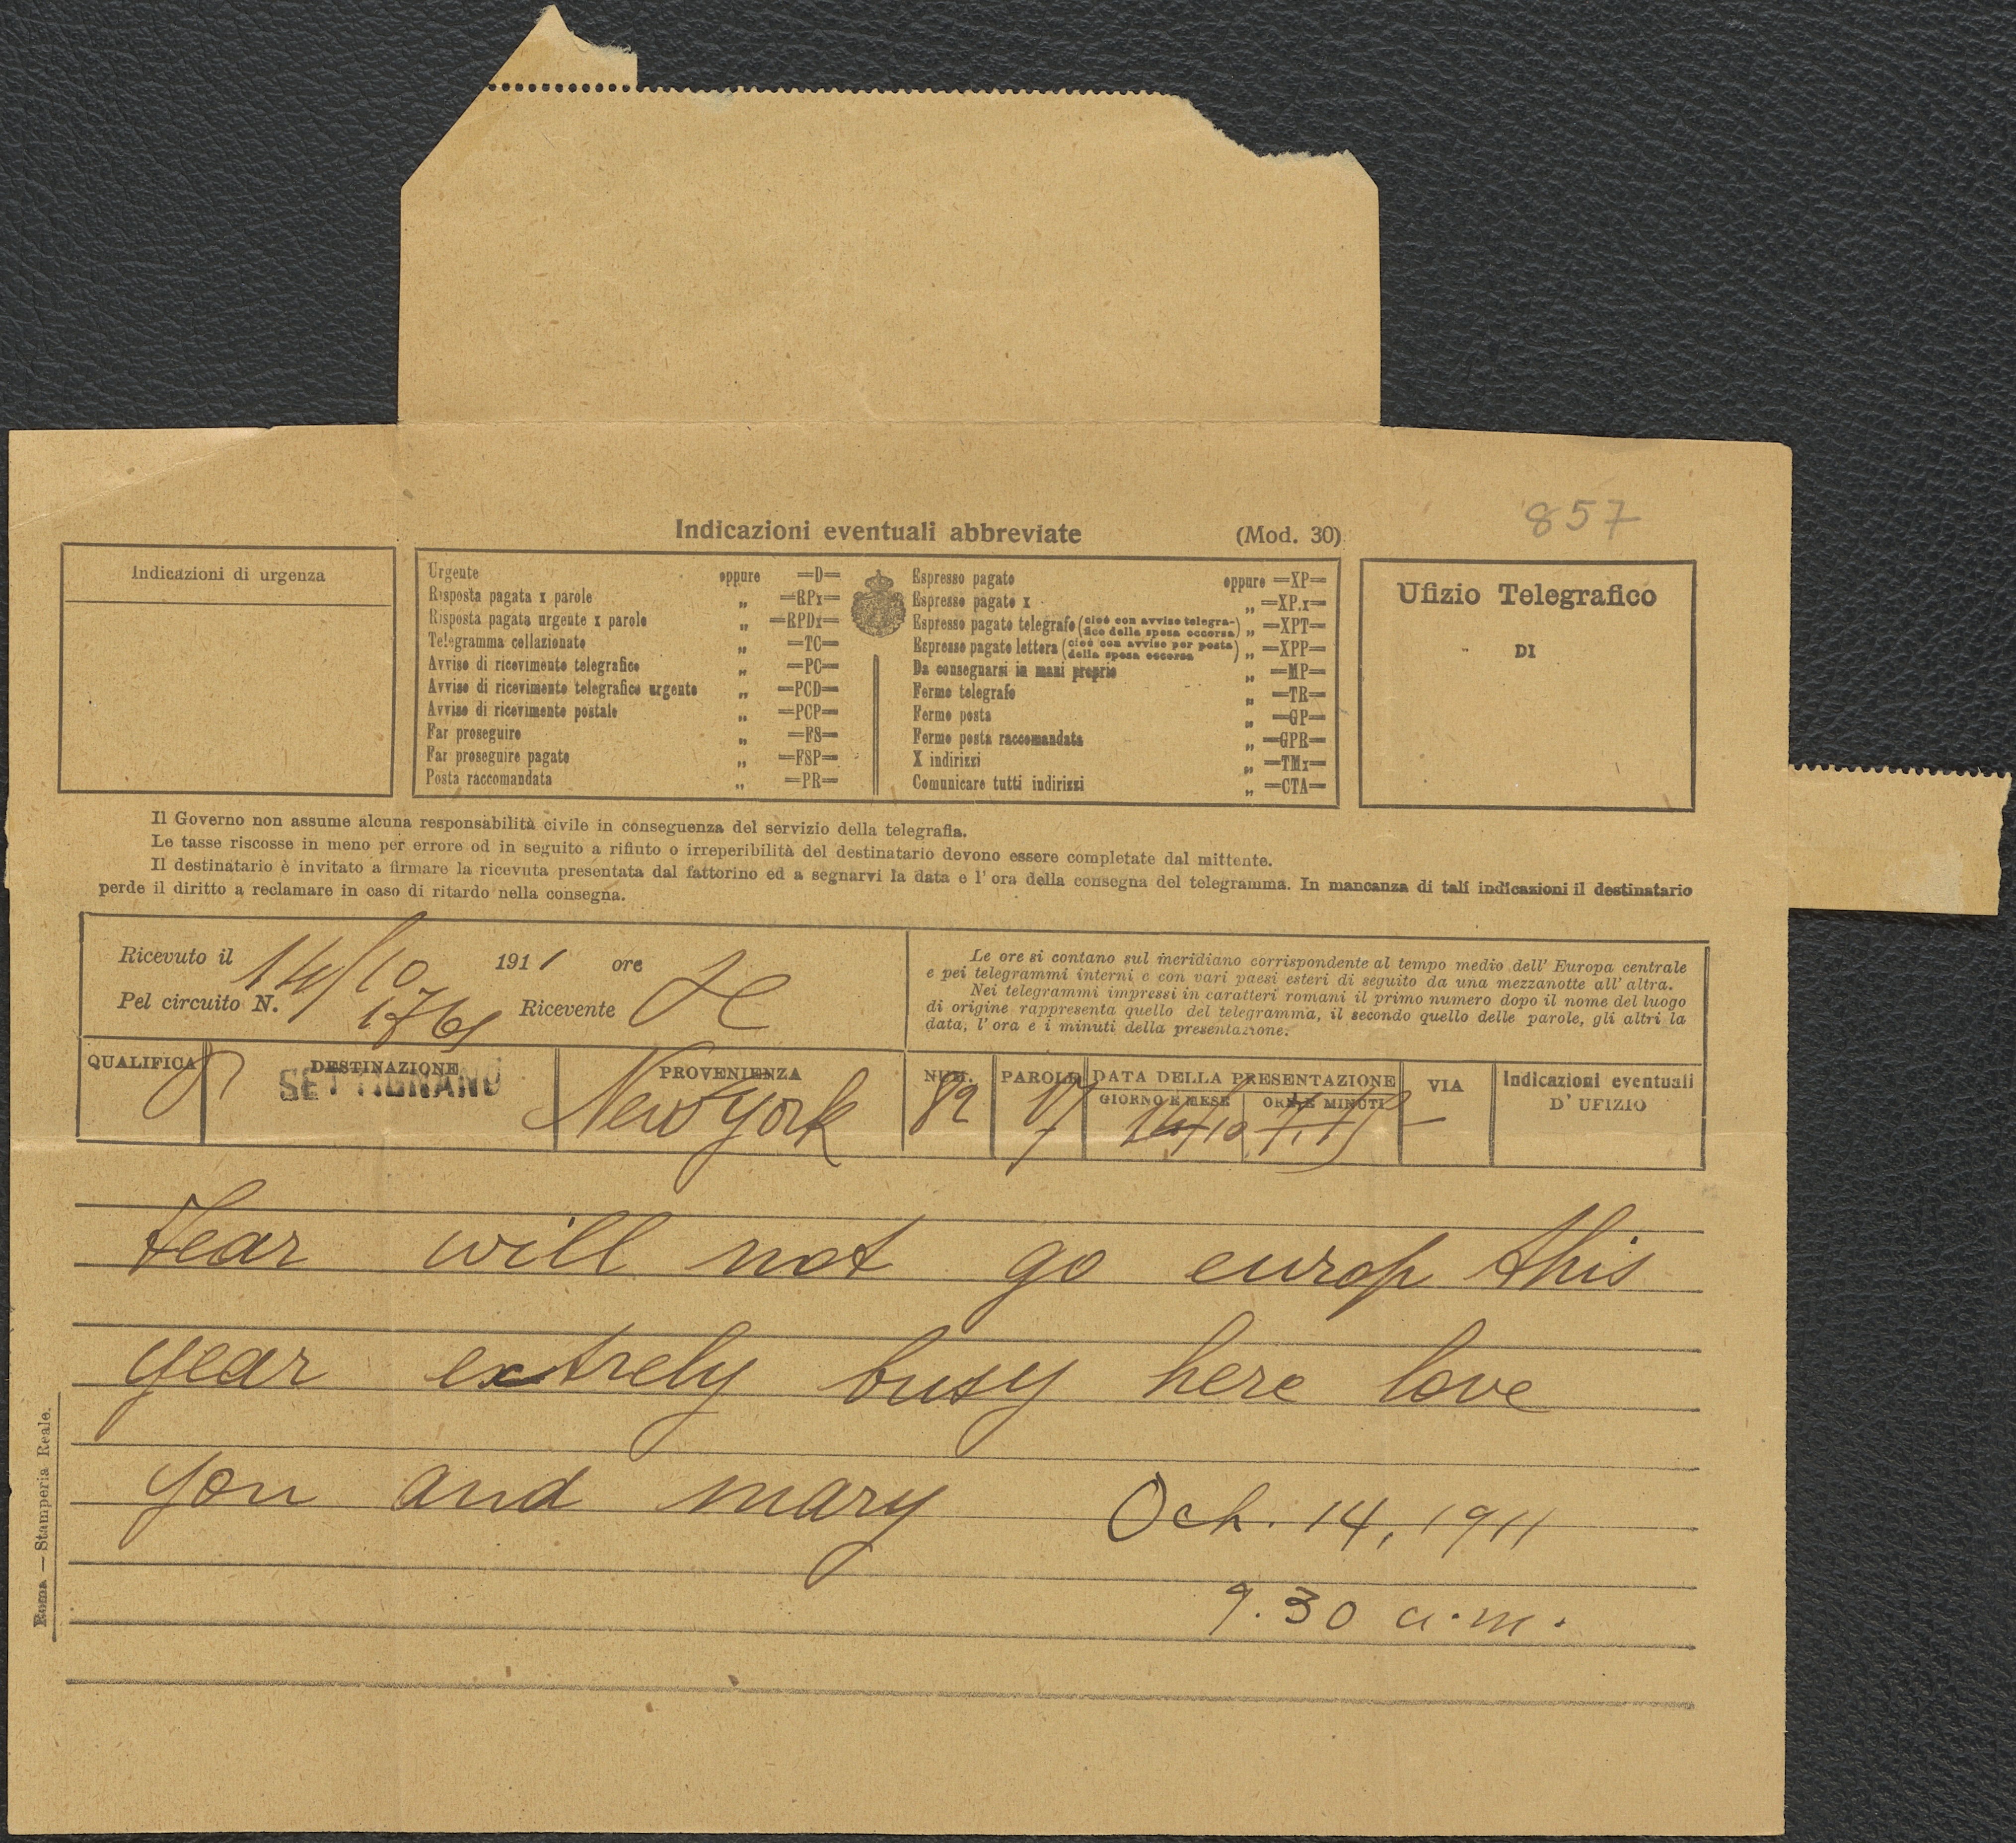Dear will not go europe this year extrely [sic] busy here love you and mary